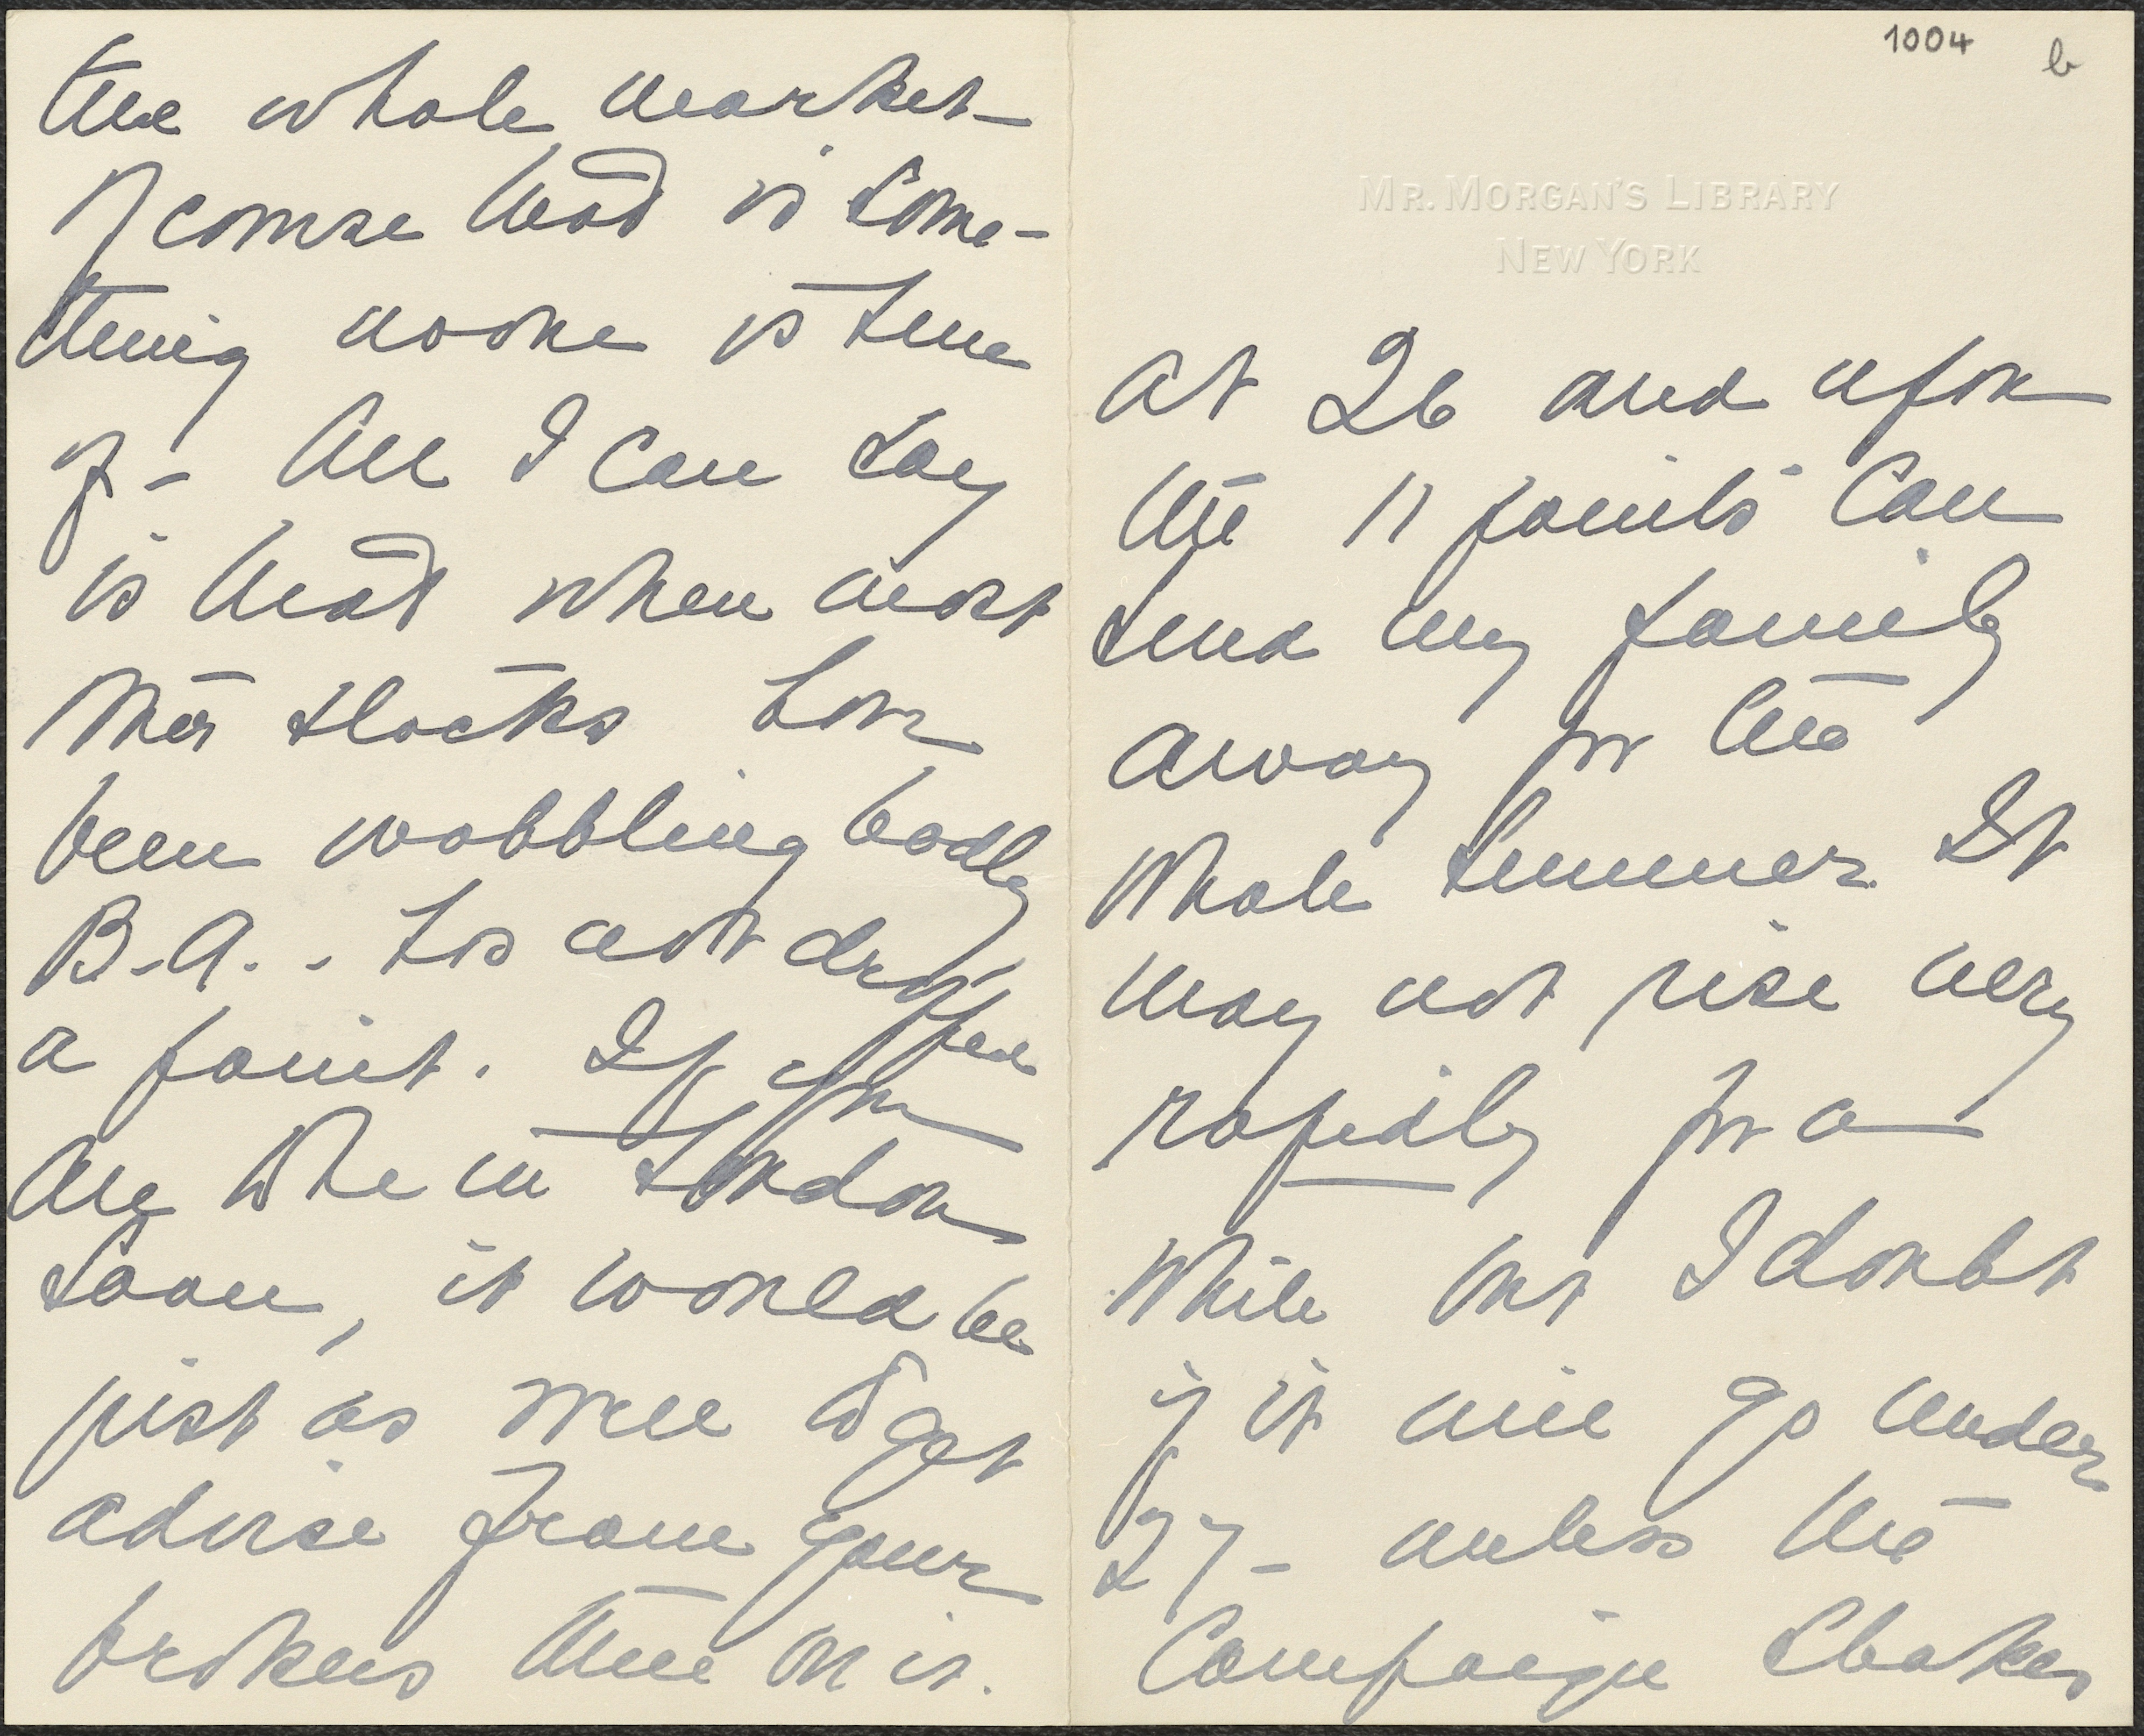at 26 and upon the 11 points can send my family away for the whole summer It may not rise very rapidly for a while but I doubt if it will go under 27 – unless the campaign shakes
the whole market – of course that is something noone is sure of – All I can say is that when most other stocks have been wobbling badly B.A. has not dropped a point. If you are to be in London soon, it would be just as well to get advise [sic] from your brokers there on it.